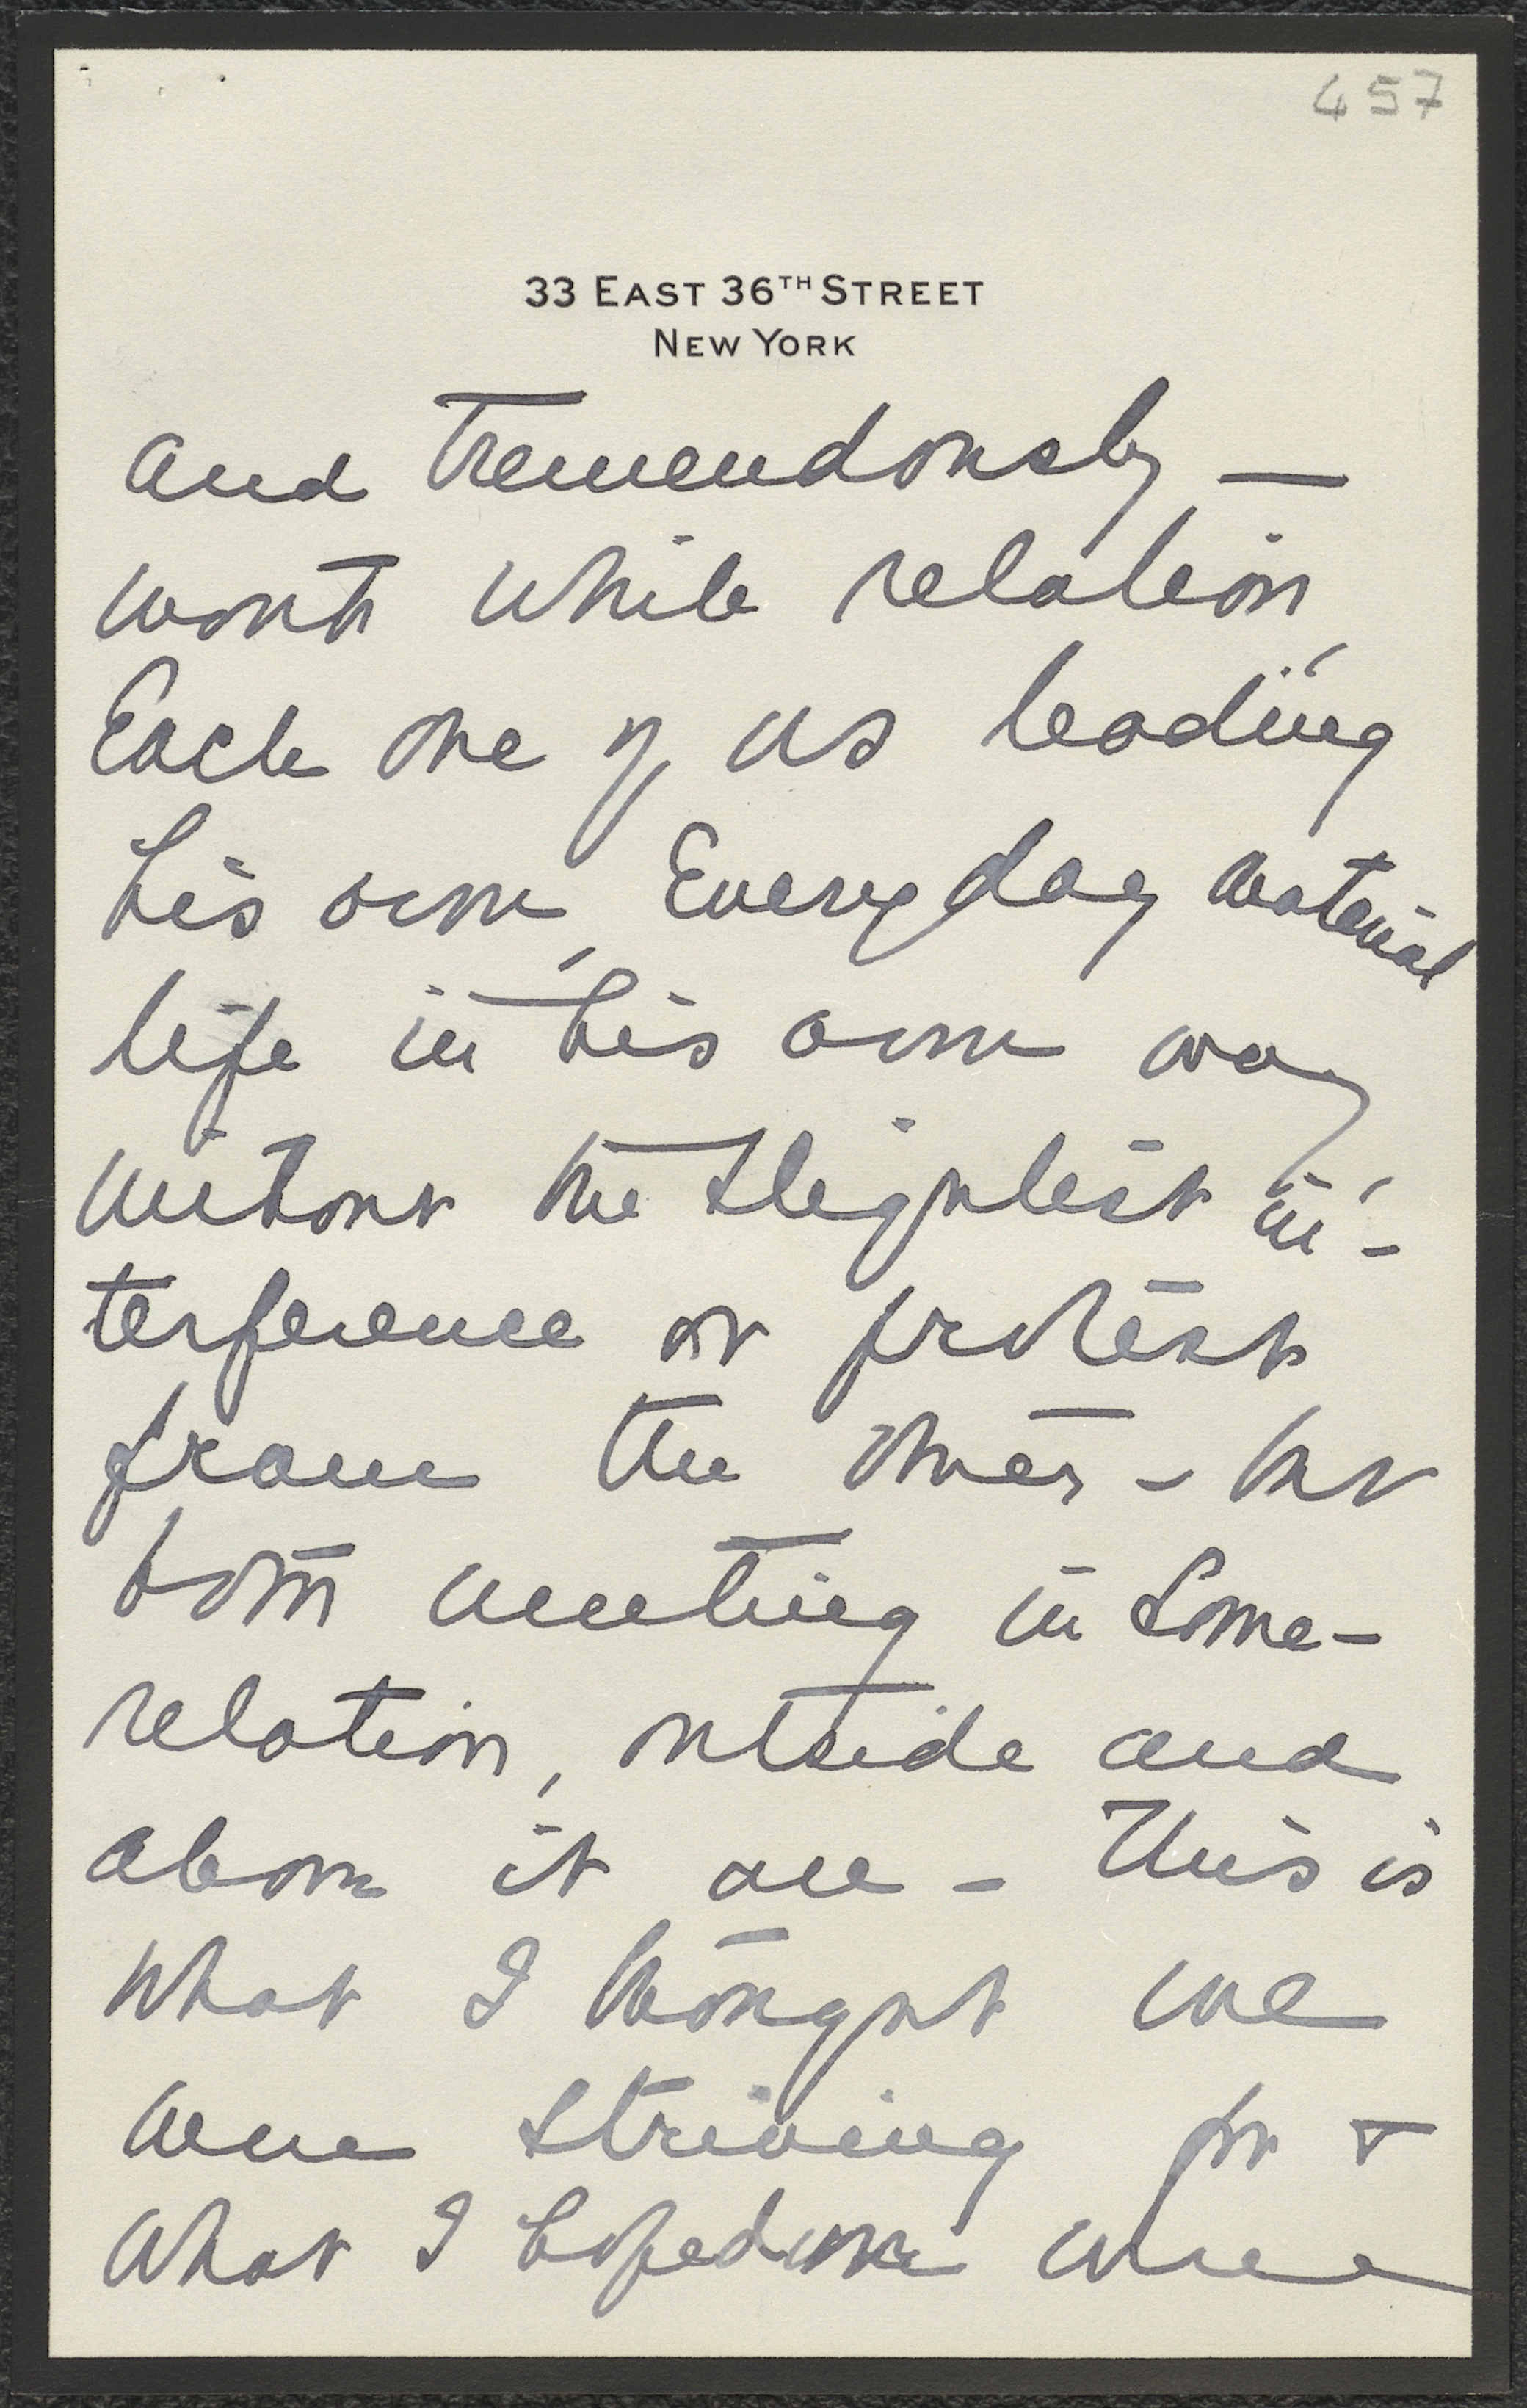and tremendously – worth while relation, Each one of us leading his own every day material life in his own way without the slightest interference or protest from the other – but both meeting in some-relation, outside and above it all – This is what I thought we were striving for & what I hoped we were